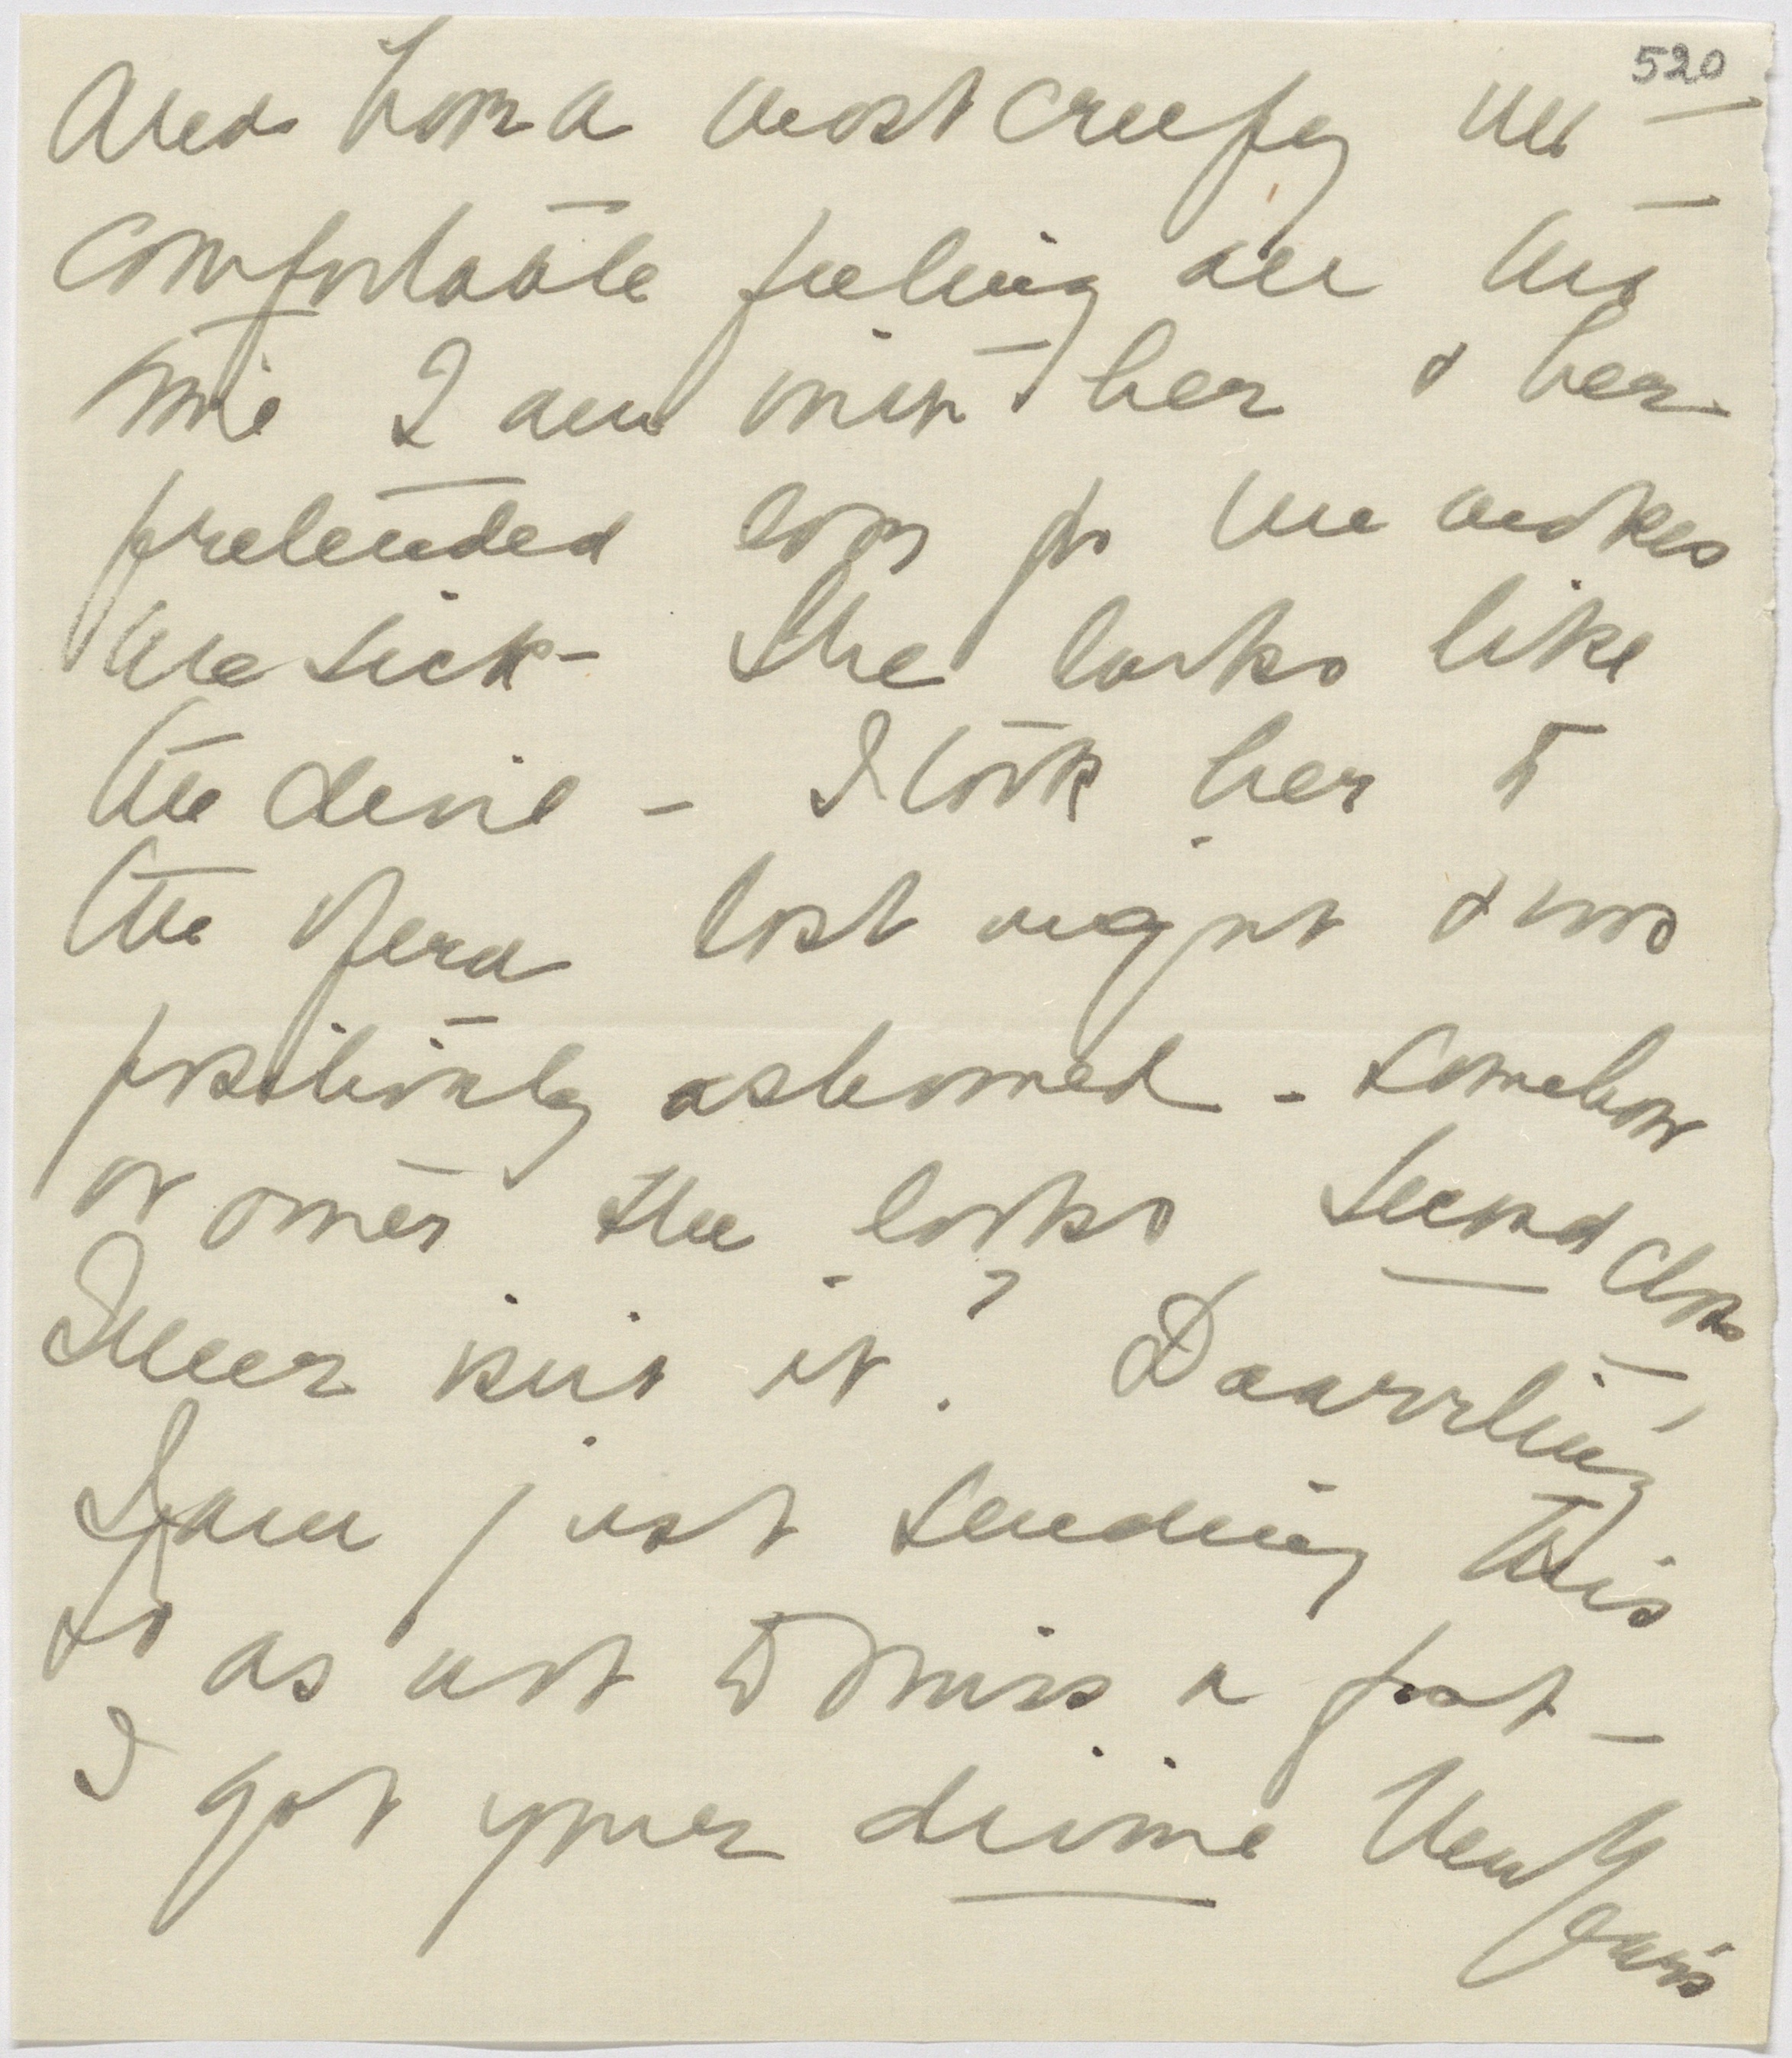and have a most creepy uncomfortable feeling all the time I am with her & her pretended love for me makes me sick – She looks like the devil – I took her to the opera last night & was positively ashamed – somehow or other she looks second class, Queer isn’t it? Daarrling I am just sending this so as not to miss a post – I got your divine New Year’s